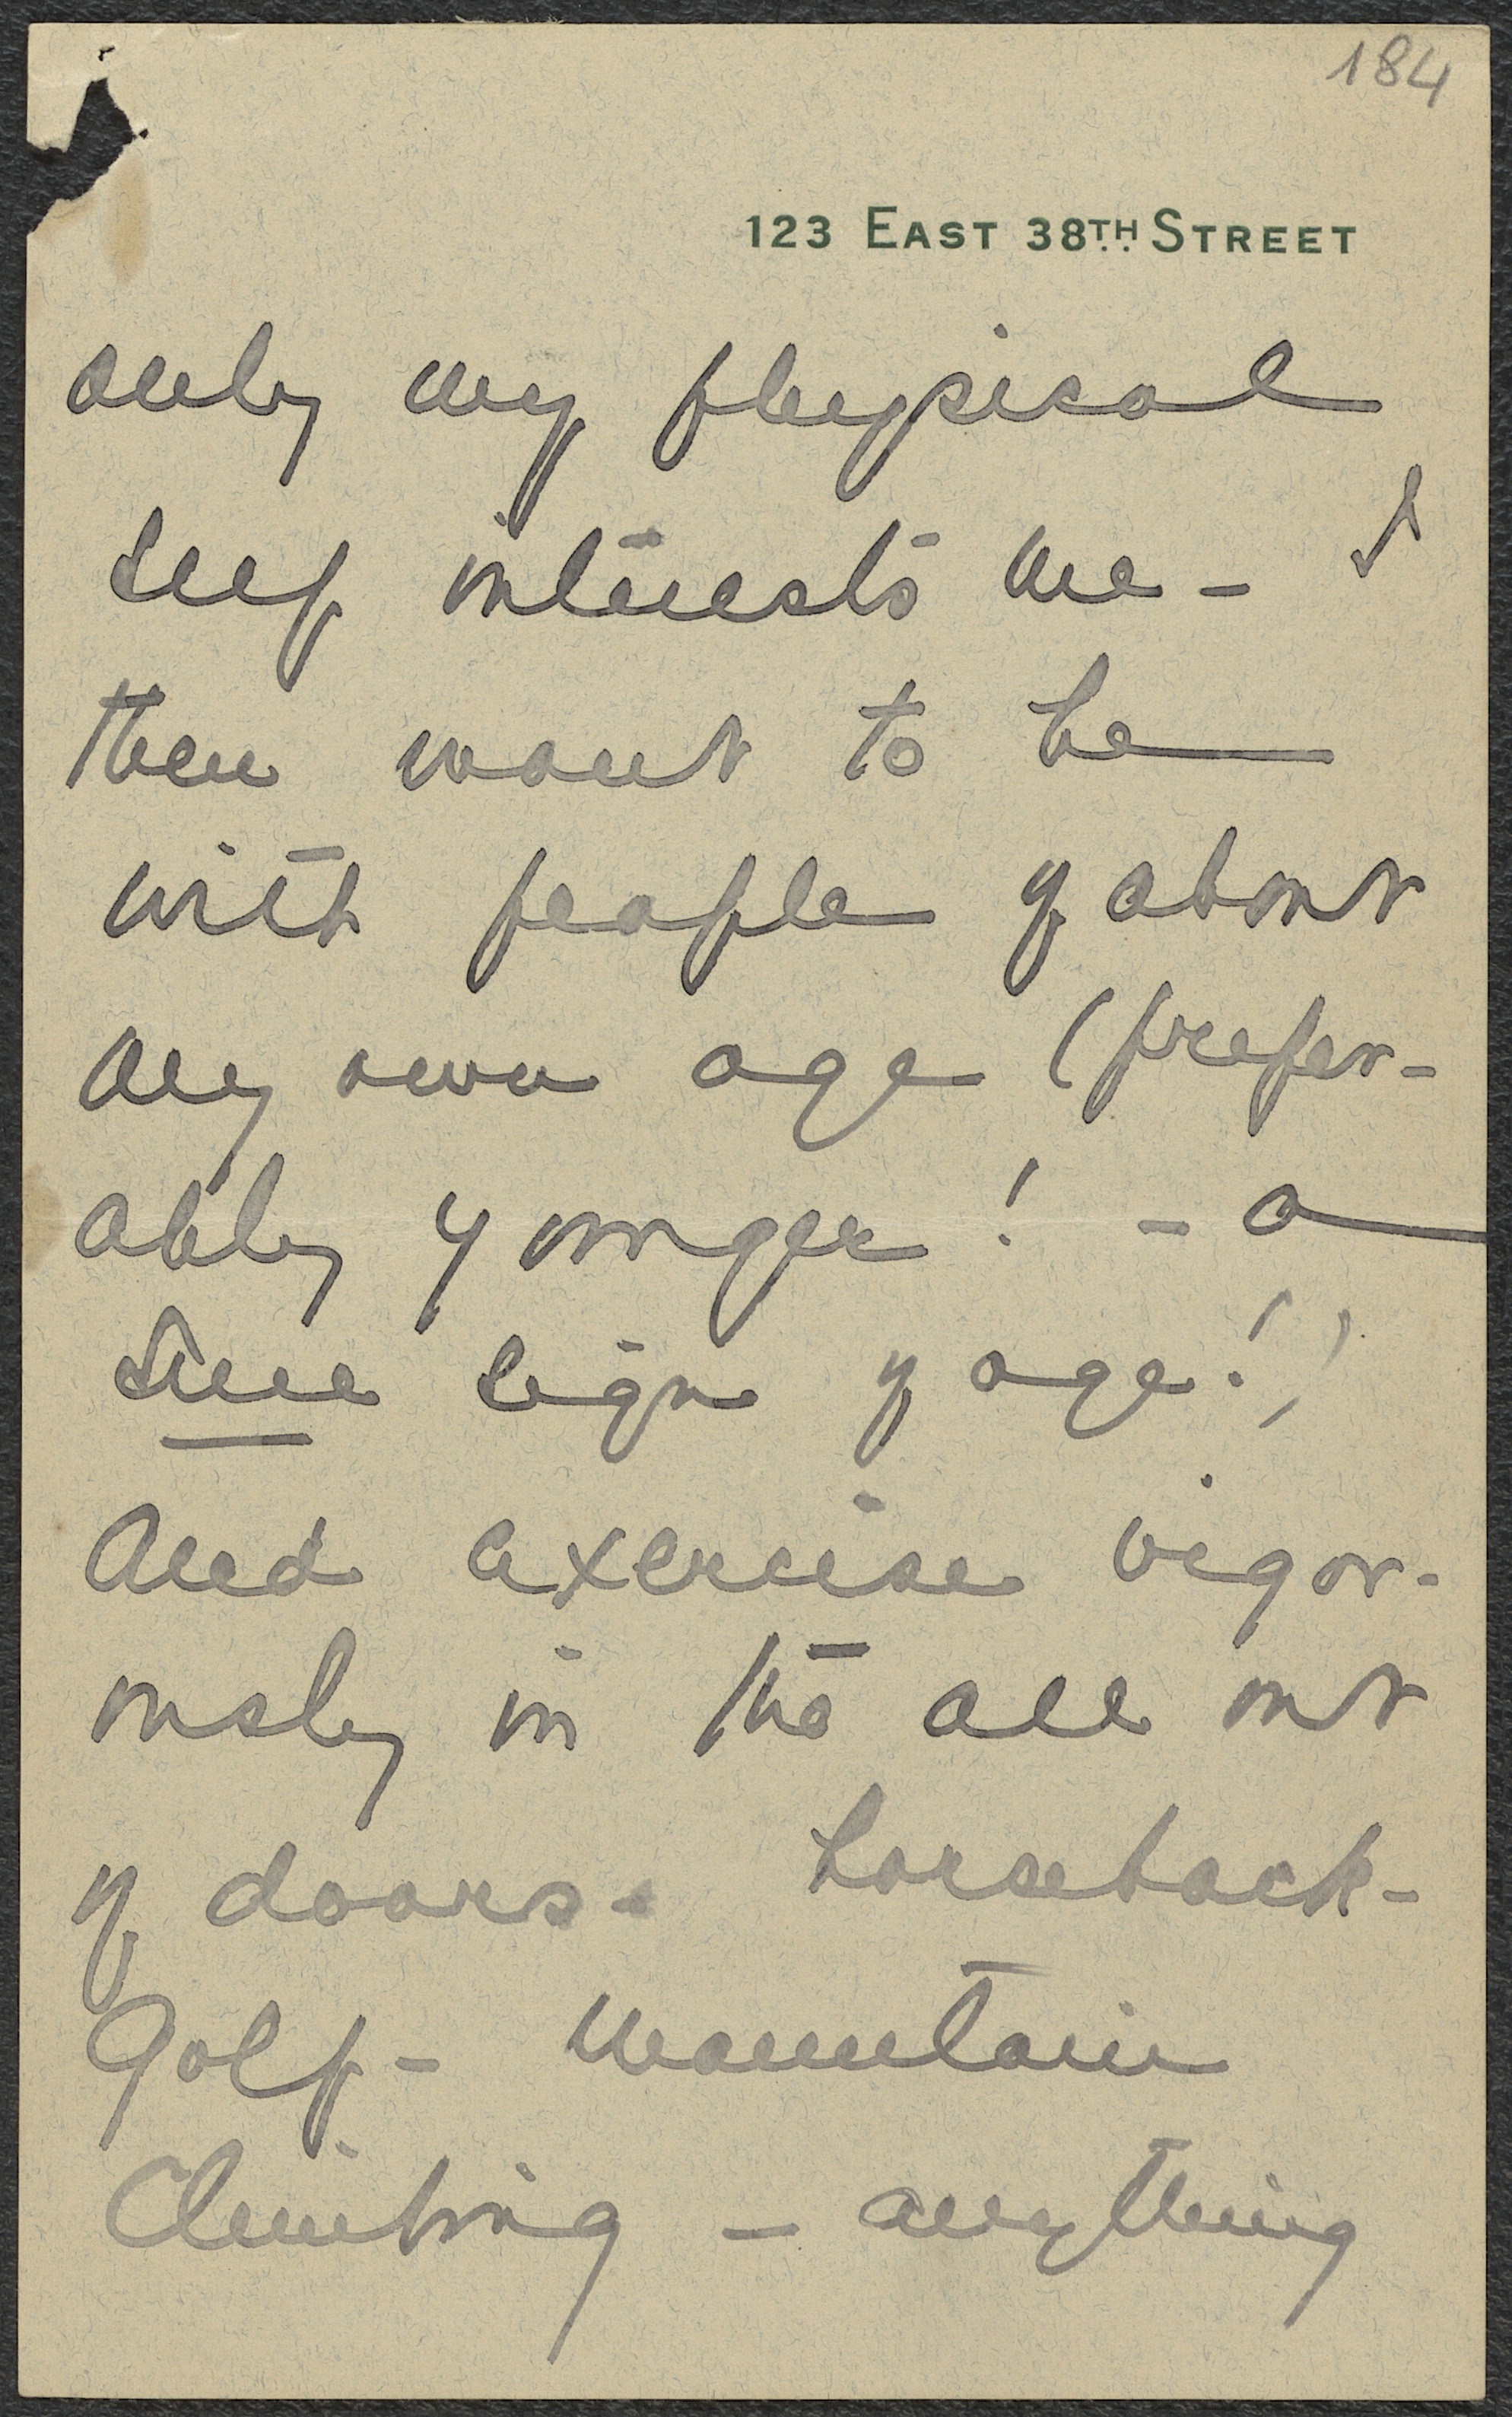only my physical self interests me – I then want to be with people of about my own age (preferably younger! a sure sign of age!) And exercise vigorously in the all out of doors – horseback – golf – mountain climbing – anything